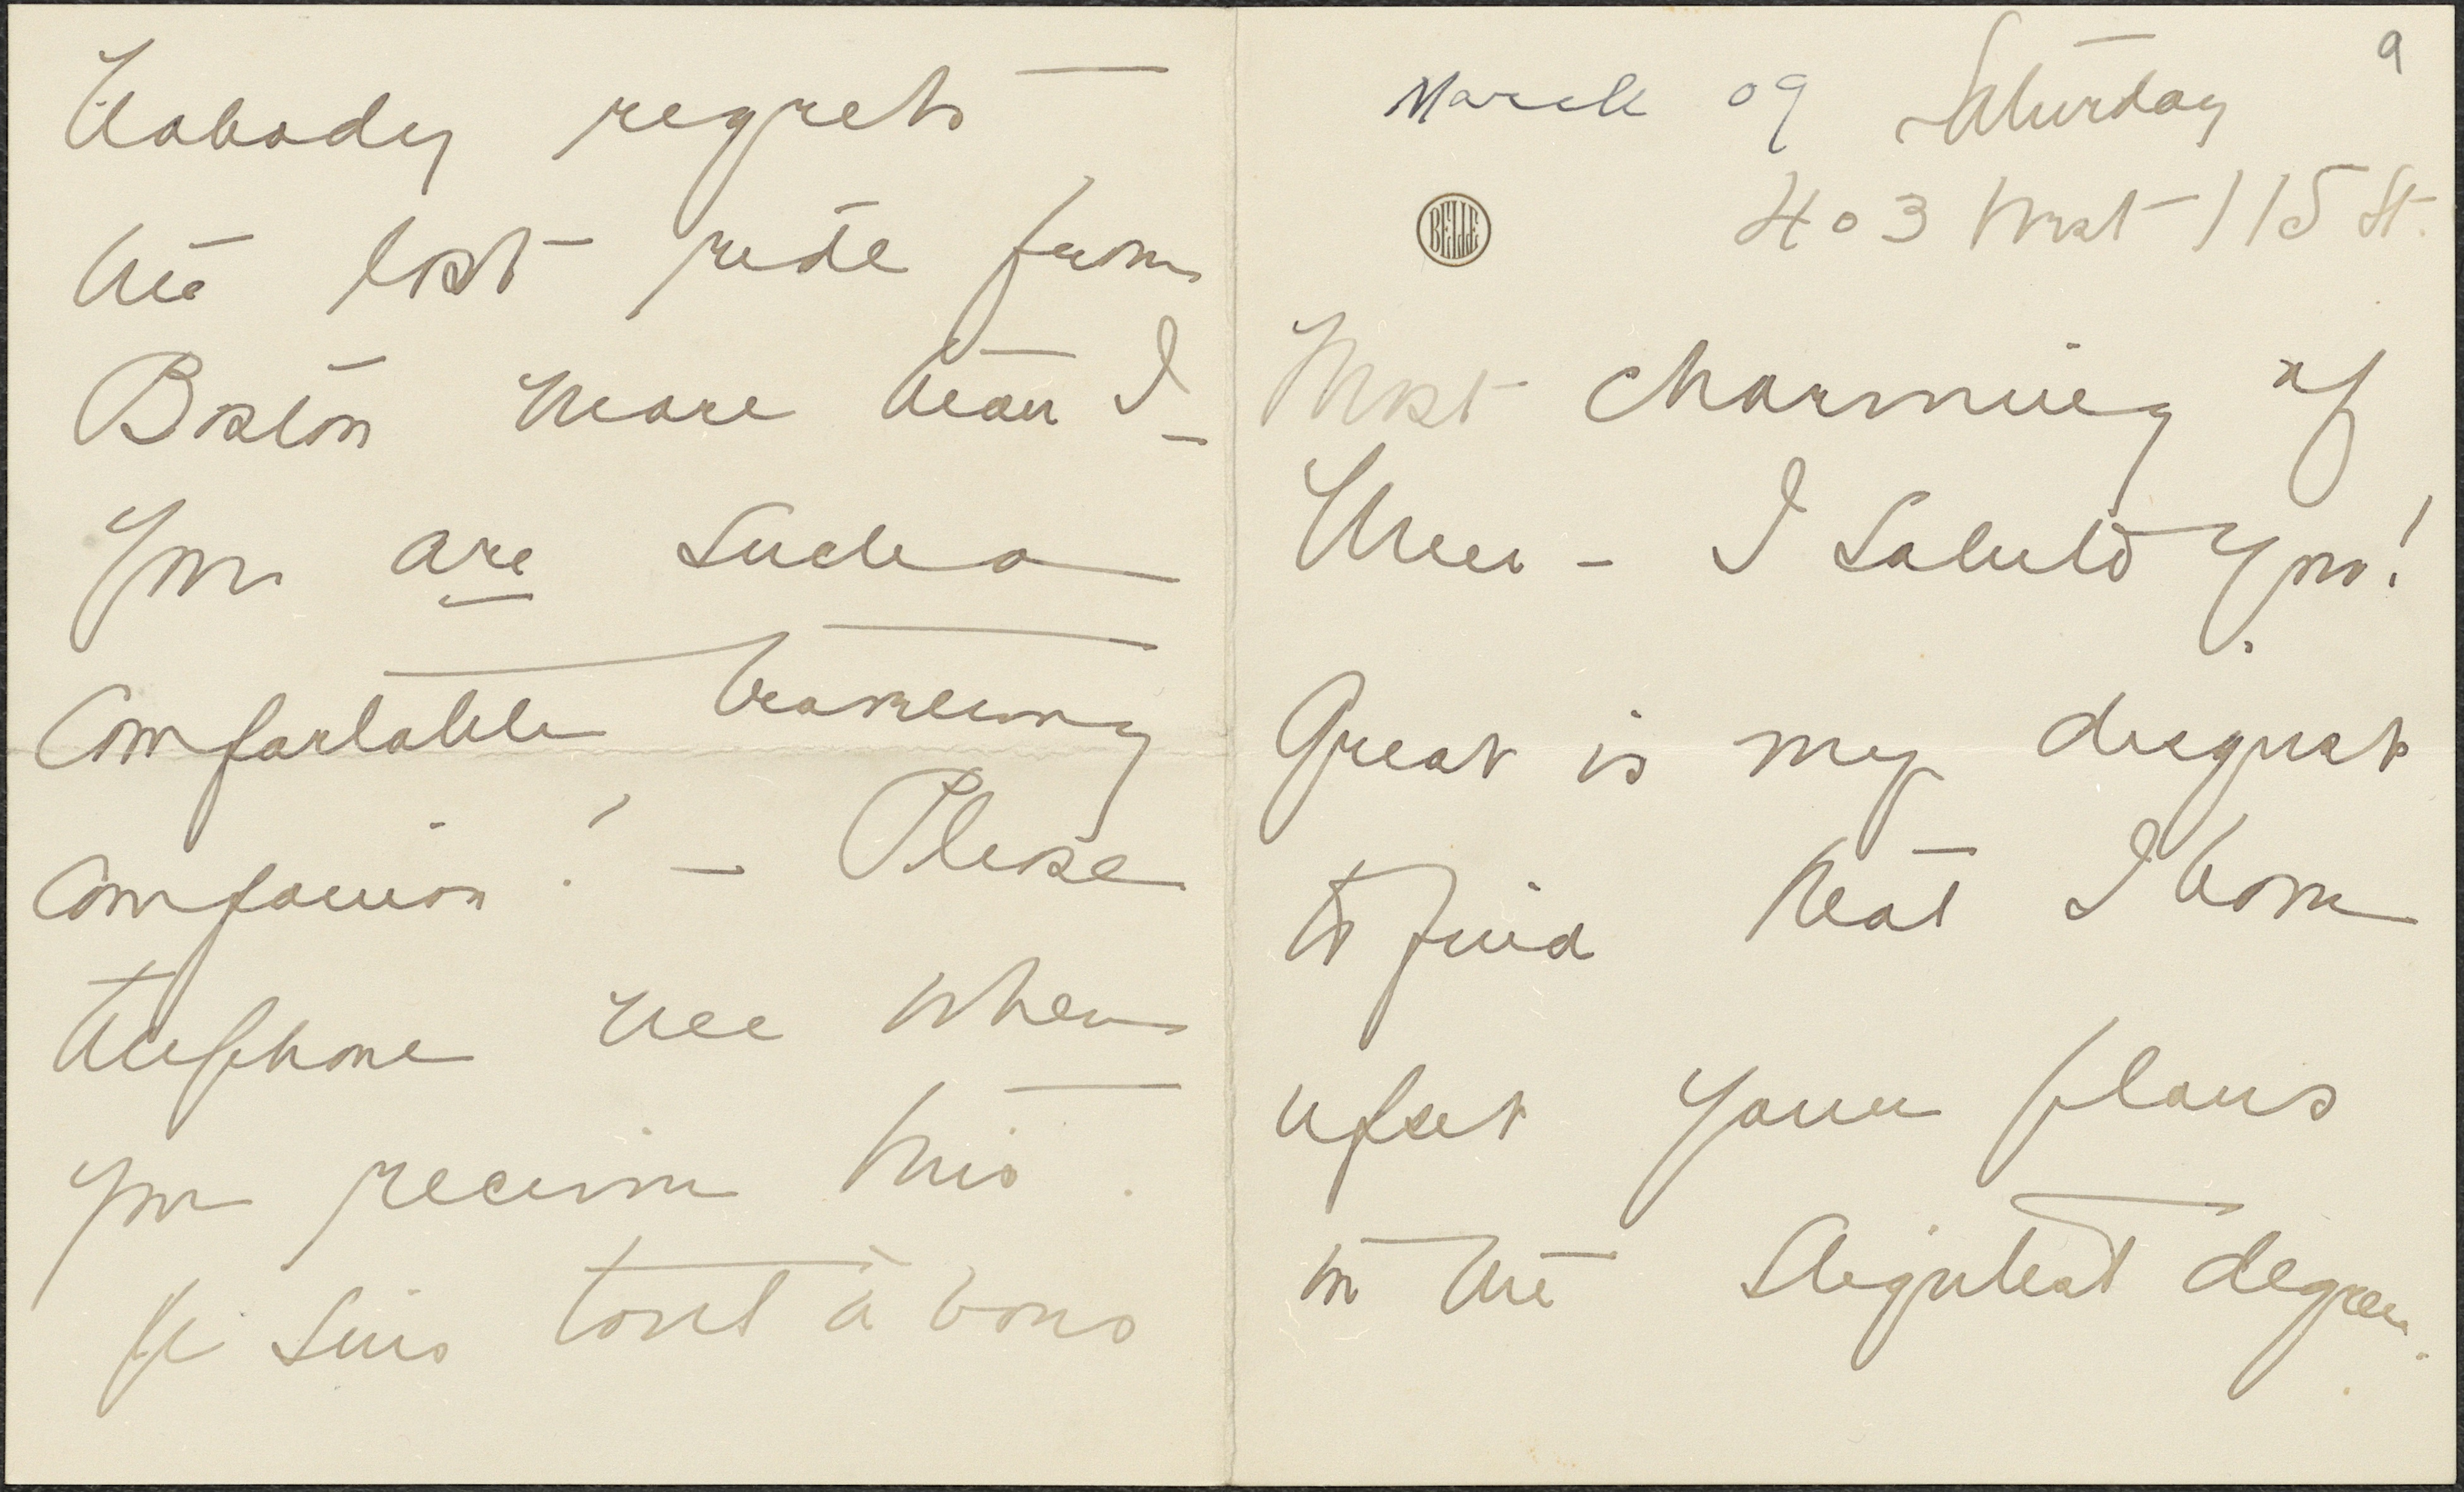Saturday
403 West 115 St.
Most charming of Men – I salute you! Great is my disgust to find that I have upset your plans in the slightest degree.
Nobody regrets the last ride from Boston more than I – You are such a comfortable travelling companion! – Please telephone me when you receive this.
Je suis tout à vous